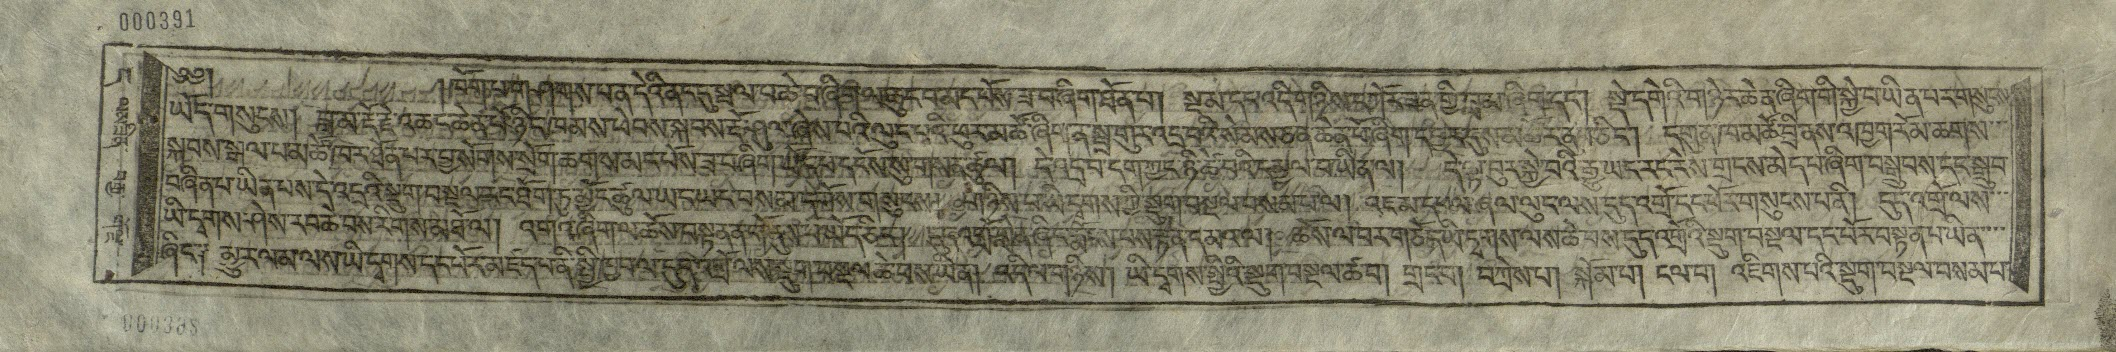༄༅། །ཁོག་པ་གཤགས་པ་ན་དེའི་ནང་དུ་སྦལ་པ་ཆེ་བ་ཞིག་ལ་ཆུང་བ་མང་པོས་ཟ་བ་ཞིག་ཐོན་པ། སྔ་མ་དང་འདི་གཉིས་དཀོར་ཟན་གྱི་བླ་མ་ཞིག་དང་། སྡེ་དགེའི་གཉེར་ཆེན་ཞིག་གི་སྐྱེ་བ་ཡིན་པར་གསུངས་
ཡོད་གསུངས། བླ་མ་རྡོ་རྗེ་འཆང་ཆེན་པོ་ཉིད་ཁམས་ཕེབས་སྐབས་རྡོ་ཤུལ་ཞེས་པའི་ལུང་པའི་ཕུར་མཚོ་ཞིག་ན་སྦྲ་གུར་འདྲ་བའི་སེམས་ཅན་ཆེན་པོ་ཞིག་དབྱར་དུས་མཚོར་ནུབ་ཅིང་། དགུན་ཁ་མཚོ་བྲིས་ནས་འཁྱག་རོམ་ཆགས་
སྐབས་སྒལ་པ་མཚོ་ཁར་ཐོན་པར་བྱ་སོགས་སྲོག་ཆགས་མང་པོས་ཟ་བ་ཞིག་ཡོད་པ་དངོས་སུ་གསན་ཚུལ། དེ་འདྲ་བ་དག་ཀྱང་ཉི་ཚེ་བའི་དམྱལ་བ་ཡིན་ལ། དེ་ལྟ་བུར་སྐྱེ་བའི་རྒྱུ་ཡང་རང་རེས་གྲངས་མེད་པ་ཞིག་བསྒྲུབས་དང་སྒྲུབ་
བཞིན་པ་ཡིན་པས་དེ་འདྲའི་སྡུག་བསྔལ་རང་ཐོག་ཏུ་མྱོང་ཚུལ་ཡང་ཡང་བསམ་དགོས་གསུངས། གཉིས་པ་ཡི་དྭགས་ཀྱི་སྡུག་བསྔལ་བསམ་པ་ལ། འཇམ་དཔལ་ཞལ་ལུང་ལས་དུད་འགྲོ་དང་པོར་གསུངས་པ་ནི། དུད་འགྲོ་ལས་
ཡི་དྭགས་ཤེས་རབ་ཆེ་བས་རིགས་མཐོ་ལ། འགའ་ཞིག་ལ་ཆོས་བསྟན་ན་གོ་ནུས་པ་ཡོད་ཅིང་། དུད་འགྲོ་གླེན་ཞིང་རྨོངས་པས་རྟེན་དམའ་ལ། ཆོས་ལ་བར་གཅོད་ཡི་དྭགས་ལས་ཆེ་བས་དུད་འགྲོའི་སྡུག་བསྔལ་དང་པོར་བསྟན་པ་ཡིན་
ཞིང༑ མྱུར་ལམ་ལས་ཡི་དྭགས་དང་པོར་མཛད་པ་ནི་སྤྱི་ཁྱབ་ལ་དུད་འགྲོ་ལས་སྡུག་བསྔལ་ཆེ་བས་ཡིན། འདི་ལ་གཉིས། ཡི་དྭགས་སྤྱིའི་སྡུག་བསྔལ་ཚ་བ། གྲང་བ། བཀྲེས་པ། སྐོམ་པ། ངལ་བ། འཇིགས་པའི་སྡུག་བསྔལ་བསམ་པ་